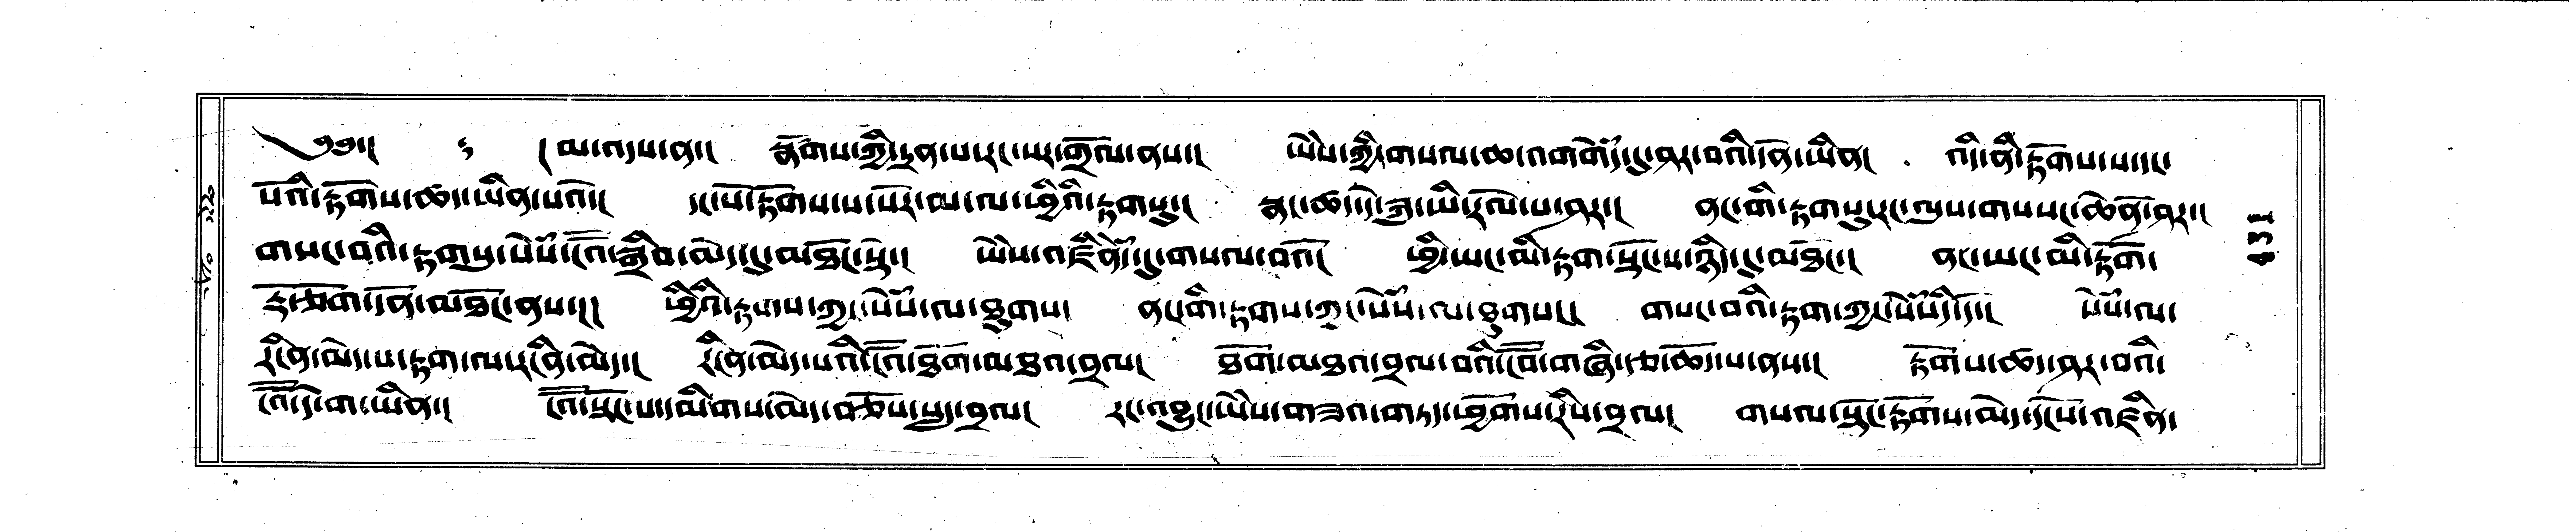འདས་ན། སྣ་ཚོགས་ཀྱི་སྣང་བ་རིམ་པར་རང་སར་གྲོལ་ནས། ཡེ་ཤེས་ཀྱི་གསལ་ཆ་གྷག་(འགའ)མེད་དུ་འཆར་བའི་དོན་ཡིན། འདི་ནི་རྟོགས་པ་དང་
པོའི་དུས་རྟག་ཚད་ཡིན་པའོ། ད་རྟོགས་པ་བར་མ་ལ། ཕྱིའི་རྟགས་ལ་སྣང་ཚད་དེ་བོན་སྐུའི་རོལ་པར་ཤར། ནང་གིས་རྟགས་སུ། རང་ལུས་གསས་ཁང་ཆེན་པོར་ཤར། 
གསང་བའི་རྟགས་སུ། སེམས་ཀྱིས་ངོའོ་སྒྲིབ་མེད་དུ་མཐོང་སྟེ། ཡེ་ཤེས་འཛིན་མེད་དུ་གསལ་མཐོང་པའོ། ཕྱིའི་མི་རྟགས་༼རྟོག༽སྟོང་པ་ཉིད་དུ་མཐོང་། ནང་ཡང་མི་རྟོག་
རྡོ་ཅོག་འཛིན་མེད་ཙམ་དུ་མཐོང་། གསང་བ་ཡང་མི་རྟགས་༼རྟོག༽ནམ་མཁའ་ལྟ་བུར་མཐོང་། གསང་རྟགས་སེམས་ལ་ཤར་ན་ཕྱི་རྟགས་ནང་རྟགས་གང་ཡང་དེ་ཀའོ། སྟོང་པ་ཉིད་ཀྱིས་དོན་རྟོགས་ན། ཕྱིའི་རྟགས་ཀྱང་སེམས་ལ་ཐུག། ནང་གིས་རྟགས་ཀྱང་སེམས་ལ་ཐུག། གསང་བའི་རྟགས་ཀྱ་སེམས་ལ་ཐུག སེམས་ལ་
རང་བཞིན་མེད་པས་རྟགས་ལ་རང་བཞིན་མེད། རང་བཞིན་མེད་པའི་ངོའོ་ཐོག་མཐའ་བྲལ། ཐོག་མཐའ་བྲལ་བའི་གཞི་རྩ་ཆོད་བེན་ན། རྟགས་ཚད་ཤར་བའི་
ངོའོ་དེ་ཀ་ཡིན། ངོའོ་སྟོང་པ་དམིག་མེད་བཅོས་བསླད་བྲལ། རང་འབྱུང་ཡེ་ཤེས་གཟའ་གཏད་ཕྱོགས་རིས་བྲལ། གསལ་སྟོང་རྟོག་མེད་ངང་དུ་ངོས་འཛིན་